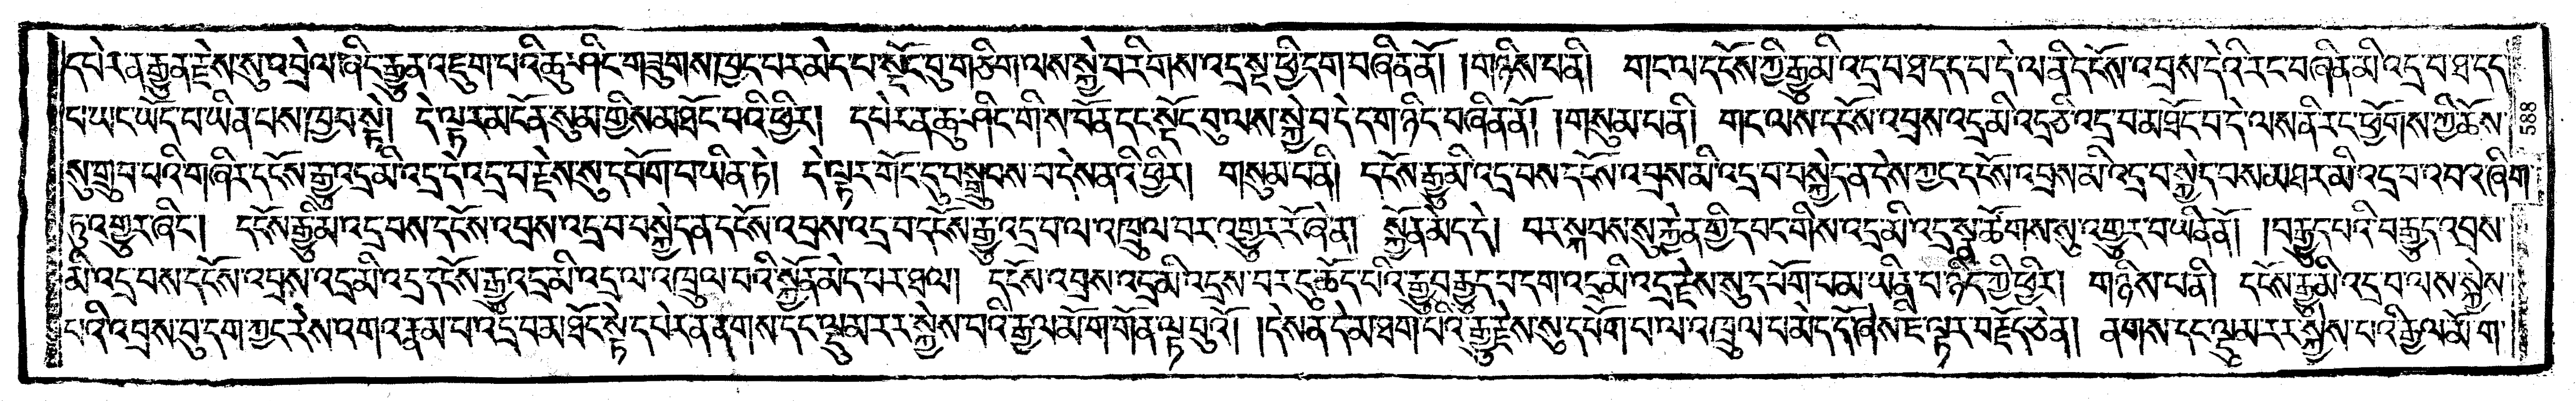དཔེར་ན་རྒྱུན་རྗེས་སུ་འབྲེལ་ཞིང་རྒྱུན་འཇུག་པའི་ཆུ་ཤིང་གཟུགས་ཁྱད་པར་མེད་པ་སྡོང་བུ་གཅིག་ལས་སྐྱེ་བ་རིགས་འདྲ་སྔ་ཕྱི་དག་བཞིན་ནོ། །གཉིས་པ་ནི། གང་ལ་དངོས་ཀྱི་རྒྱུ་མི་འདྲ་བ་ཐ་དད་པ་དེ་ལ་ནི་དངོས་འབྲས་དེའི་རང་བཞིན་མི་འདྲ་བ་ཐ་དད་
པ་ཡང་ཡོད་པ་ཡིན་པས་ཁྱབ་སྟེ། དེ་ལྟར་མངོན་སུམ་གྱིས་མཐོང་བའི་ཕྱིར། དཔེར་ན་ཆུ་ཤིང་གི་ས་བོན་དང་སྡོང་བུ་ལས་སྐྱེ་བ་དེ་དག་ཉིད་བཞིན་ནོ། །གསུམ་པ་ནི། གང་ལས་དངོས་འབྲས་འདྲ་མི་འདྲ་ཅི་འདྲ་བ་མཐོང་བ་དེ་ལས་ནི་རང་ཕྱོགས་ཀྱི་ཆོས་
སུ་གྲུབ་པའི་གཞིར་དངོས་རྒྱུ་འདྲ་མི་འདྲ་དེ་འདྲ་བ་རྗེས་སུ་དཔོག་པ་ཡིན་ཏེ། དེ་ལྟར་གོང་དུ་བསྒྲུབས་པ་དེས་ནའི་ཕྱིར། གསུམ་པ་ནི། དངོས་རྒྱུ་མི་འདྲ་བས་དངོས་འབྲས་མི་འདྲ་བ་བསྐྱེད་ན་དེས་ཀྱང་དངོས་འབྲས་མི་འདྲ་བ་སྐྱེད་པས་མཐར་མི་འདྲ་བ་འབའ་ཞིག་
ཏུ་འགྱུར་ཞིང་། དངོས་རྒྱུ་མི་འདྲ་བས་དངོས་འབྲས་འདྲ་བ་བསྐྱེད་ན་དངོས་འབྲས་འདྲ་བ་དངོས་རྒྱུ་འདྲ་བ་ལ་འཁྲུལ་བར་འགྱུར་རོ་ཞེ་ན། སྐྱོན་མེད་དེ། བར་སྐབས་སུ་རྐྱེན་གྱི་དབང་གིས་འདྲ་མི་འདྲ་སྣ་ཚོགས་སུ་འགྱུར་བ་ཡིན་ནོ། །བརྒྱུད་པའི་བརྒྱུད་འབྲས་
མི་འདྲ་བས་དངོས་འབྲས་འདྲ་མི་འདྲ་དངོས་རྒྱུ་འདྲ་མི་འདྲ་ལ་འཁྲུལ་པའི་སྐྱོན་མེད་པར་ཐལ། དངོས་འབྲས་འདྲ་མི་འདྲས་བར་དུ་ཆོད་པའི་རྒྱུ་བརྒྱུད་པ་དག་འདྲ་མི་འདྲ་རྗེས་སུ་དཔོག་པ་མ་ཡིན་པ་ཉིད་ཀྱི་ཕྱིར། གཉིས་པ་ནི། དངོས་རྒྱུ་མི་འདྲ་བ་ལས་སྐྱེས་
པའི་འབྲས་བུ་དག་ཀྱང་རེས་འགའ་རྣམ་པ་འདྲ་བ་མཐོང་སྟེ་དཔེར་ན་ནགས་དང་ལྡུམ་རར་སྐྱེས་པའི་རྒྱལ་མོ་ག་གོན་ལྟ་བུའོ། །དེས་ན་དེ་མ་ཐག་པའི་རྒྱུ་རྗེས་སུ་དཔོག་པ་ལ་འཁྲུལ་པ་མེད་དོ་ཞེས་ཇི་ལྟར་བརྗོད་ཅེ་ན། ནགས་དང་ལྡུམ་རར་སྐྱེས་པའི་རྒྱལ་མོ་ག་